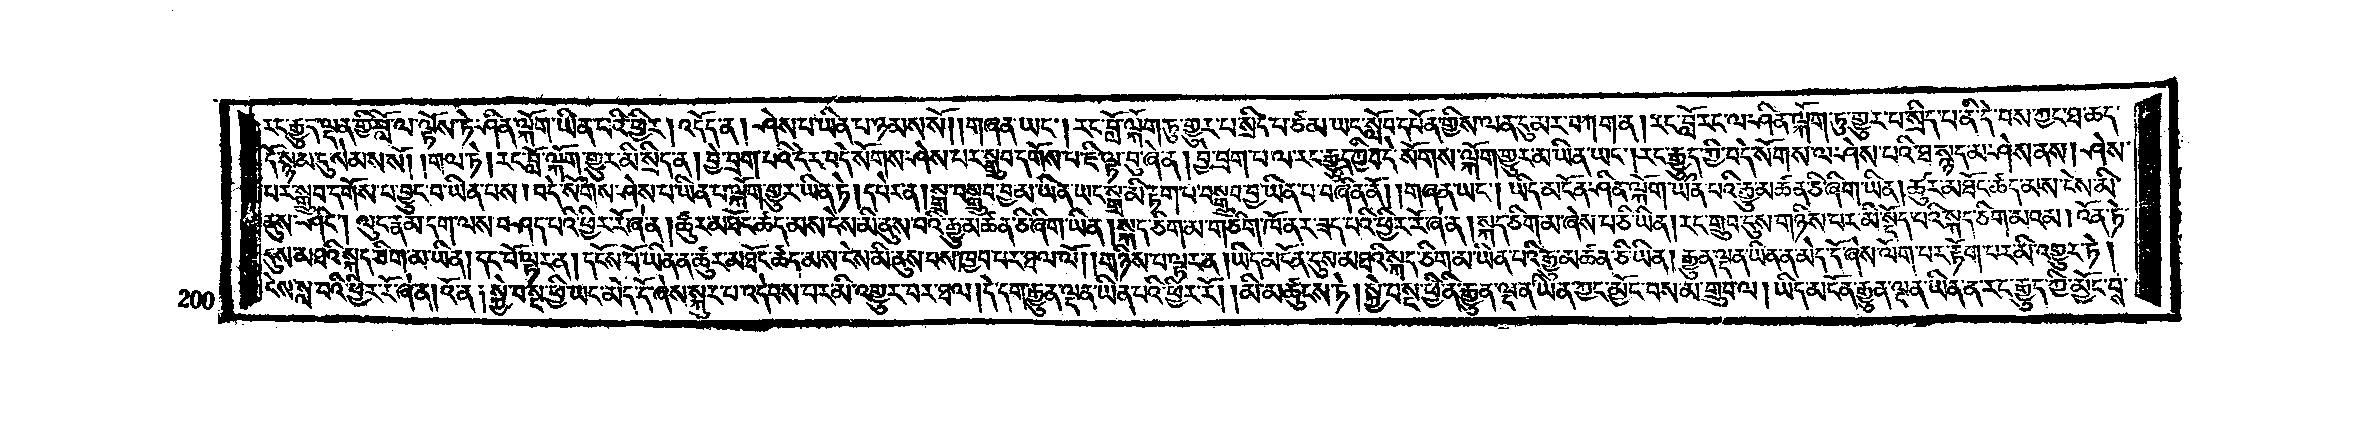རང་རྒྱུད་ལྡན་གྱི་བློ་ལ་ལྟོས་ཏེ་ཤིན་ལྐོག་ཡིན་པའི་ཕྱིར། འདོད་ན། ཤེས་པ་ཡིན་པ་ཉམས་སོ། །གཞན་ཡང་། རང་བློ་ལྐོག་ཏུ་གྱུར་པ་སྲིད་པ་ཙམ་ཡང་སློབ་དཔོན་གྱིས་ལན་དུ་མར་བཀག་ན། རང་བློ་རང་ལ་ཤིན་ལྐོག་ཏུ་གྱུར་པ་སྲིད་པ་ནི་དེ་བས་ཀྱང་ཐ་ཆད་
དོ་སྙམ་དུ་སེམས་སོ། །གལ་ཏེ། རང་བློ་ལྐོག་གྱུར་མི་སྲིད་ན། བྱེ་བྲག་པའི་དེར་བདེ་སོགས་ཤེས་པར་སྒྲུབ་དགོས་པ་ཇི་ལྟ་བུ་ཞེ་ན། བྱེ་བྲག་པ་ལ་རང་རྒྱུད་ཀྱི་བདེ་སོགས་ལྐོག་གྱུར་མ་ཡིན་ཡང་། རང་རྒྱུད་ཀྱི་བདེ་སོགས་ལ་ཤེས་པའི་ཐ་སྙད་མ་ཤེས་ནས། ཤེས་
པར་སྒྲུབ་དགོས་པ་བྱུང་བ་ཡིན་པས། བདེ་སོགས་ཤེས་པ་ཡིན་པ་ལྐོག་གྱུར་ཡིན་ཏེ། དཔེར་ན། སྒྲ་བསྒྲུབ་བྱ་མ་ཡིན་ཡང་སྒྲ་མི་རྟག་པ་བསྒྲུབ་བྱ་ཡིན་པ་བཞིན་ནོ། །གཞན་ཡང་། ཡིད་མངོན་ཤིན་ལྐོག་ཡིན་པའི་རྒྱུ་མཚན་ཅི་ཞིག་ཡིན། ཚུར་མཐོང་ཚད་མས་ངེས་མི་
ནུས་ཤིང་། ལུང་རྣམ་དག་ལས་བཤད་པའི་ཕྱིར་རོ་ཞེ་ན། ཚུར་མཐོང་ཚད་མས་ངེས་མི་ནུས་པའི་རྒྱུ་མཚན་ཅི་ཞིག་ཡིན། སྐད་ཅིག་མ་གཅིག་ཁོ་ནར་ཟད་པའི་ཕྱིར་རོ་ཞེ་ན། སྐད་ཅིག་མ་ཞེས་པ་ཅི་ཡིན། རང་གྲུབ་དུས་གཉིས་པར་མི་སྡོད་པའི་སྐད་ཅིག་མའམ། འོན་ཏེ་
དུས་མཐའི་སྐད་ཅིག་མ་ཡིན། དང་པོ་ལྟ་ན། དངོས་པོ་ཡིན་ན་ཚུར་མཐོང་ཚད་མས་ངེས་མི་ནུས་པས་ཁྱབ་པར་ཐལ་ལོ། །གཉིས་པ་ལྟར་ན། ཡིད་མངོན་དུས་མཐའི་སྐད་ཅིག་མ་ཡིན་པའི་རྒྱུ་མཚན་ཅི་ཡིན། རྒྱུན་ལྡན་ཡིན་ན་མེད་དོ་ཞེས་ལོག་པར་རྟོག་པར་མི་འགྱུར་ཏེ།
ངེས་སླ་བའི་ཕྱིར་རོ་ཞེ་ན། སྐྱེ་བ་སྔ་ཕྱི་ཡང་མེད་དོ་ཞེས་སྐུར་བ་འདེབས་པར་མི་འགྱུར་བར་ཐལ། དེ་དག་རྒྱུན་ལྡན་ཡིན་པའི་ཕྱིར་རོ། །མི་མཚུངས་སྟེ། སྐྱེ་བ་སྔ་ཕྱི་ནི་རྒྱུན་ལྡན་ཡིན་ཀྱང་མྱོང་བས་མ་གྲུ་ལ། ཡིད་མངོན་རྒྱུན་ལྡན་ཡིན་ན་རང་རྒྱུད་ཀྱི་མྱོང་བས་